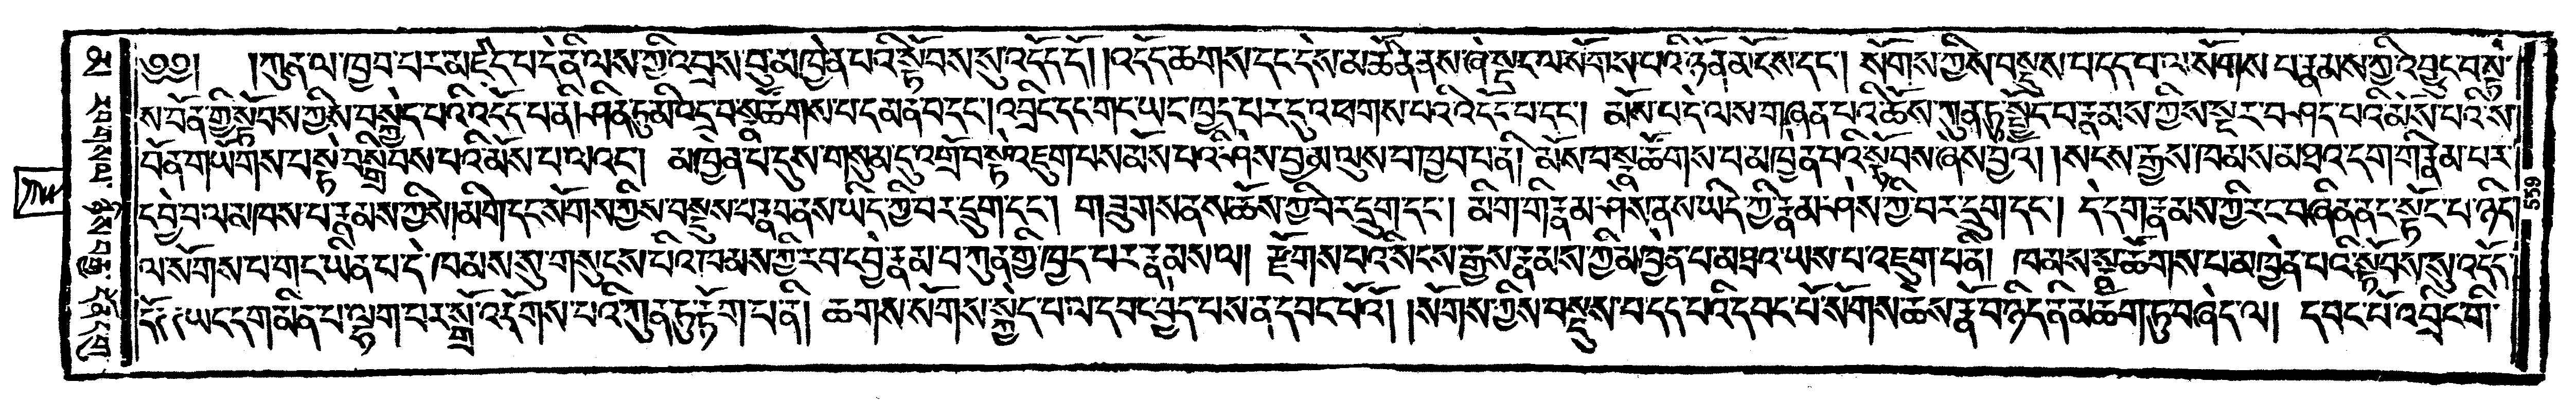༄༅། །ཀུན་ལ་ཁྱབ་པར་མཛད་པ་དེ་ནི་ལས་ཀྱི་འབྲས་བུ་མཁྱེན་པའི་སྟོབས་སུ་འདོད་དོ། །འདོད་ཆགས་དང་དེས་མཚོན་ནས་ཞེ་སྡང་ལ་སོགས་པའི་ཉོན་མོངས་དང་། སོགས་ཀྱིས་བསྡུས་པ་དད་པ་ལ་སོགས་པ་རྣམས་ཀྱི་འབྱུང་བ་སྟེ་
ས་བོན་གྱི་སྟོབས་ཀྱིས་བསྐྱེད་པའི་འདོད་པ་ནི། ཤིན་ཏུ་མི་འདྲ་བ་སྣ་ཚོགས་པ་དམན་བ་དང་། འབྲིང་དང་གང་ཡང་ཁྱད་པར་དུ་འཕགས་པའི་འདོད་པ་དང་། མོས་པ་དེ་ལས་གཞན་པའི་ཆོས་ཀུན་ཏུ་སྤྱོད་པ་རྣམས་ཀྱིས་སྔར་བཤད་པའི་མོས་པའི་ས་
བོན་གཡོགས་པ་སྟེ་བསྒྲིབས་པའི་མོས་པ་ལའང་། མཁྱེན་པ་དུས་གསུམ་དུ་འགྲོ་བ་སྟེ་འཇུག་པས་མོས་པའི་ཤེས་བྱ་མ་ལུས་པ་ཁྱབ་པ་ནི། མོས་པ་སྣ་ཚོགས་པ་མཁྱེན་པའི་སྟོབས་ཞེས་བྱའོ། །སངས་རྒྱས་ཁམས་མཐའ་དག་གི་རྣམ་པར་
དབྱེ་བ་ལ་མཁས་པ་རྣམས་ཀྱིས། མིག་དང་སོགས་ཀྱིས་བསྡུས་པ་རྣ་བ་ནས་ཡིད་ཀྱི་བར་དྲུག་དང་། གཟུགས་ནས་ཆོས་ཀྱི་བར་དྲུག་དང་། མིག་གི་རྣམ་ཤེས་ནས་ཡིད་ཀྱི་རྣམ་ཤེས་ཀྱི་བར་དྲུག་དང་། དེ་དག་རྣམས་ཀྱི་རང་བཞིན་ནང་སྟོང་པ་ཉིད་
ལ་སོགས་པ་གང་ཡིན་པ་དེ་ཁམས་སུ་གསུངས་པའི་ཁམས་ཀྱི་རབ་དབྱེ་རྣམ་པ་ཀུན་གྱི་ཁྱད་པར་རྣམས་ལ། རྫོགས་པའི་སངས་རྒྱས་རྣམས་ཀྱི་མཁྱེན་པ་མཐའ་ཡས་པ་འཇུག་པ་ནི། ཁམས་སྣ་ཚོགས་པ་མཁྱེན་པའི་སྟོབས་སུ་འདོད་
དོ༑ ༑ཡང་དག་མིན་པ་ལྷག་པར་སྒྲོ་འདོགས་པའི་ཀུན་ཏུ་རྟོག་པ་ནི། ཆགས་སོགས་སྐྱེད་པ་ལ་དབང་བྱེད་པས་ན་དབང་པོའོ། །སོགས་ཀྱིས་བསྡུས་པ་དད་པའི་དབང་པོ་སོགས་ཆེས་རྣོ་བ་ཉིད་ནི་མཆོག་ཏུ་བཞེད་ལ། དབང་པོ་འབྲིང་གི་